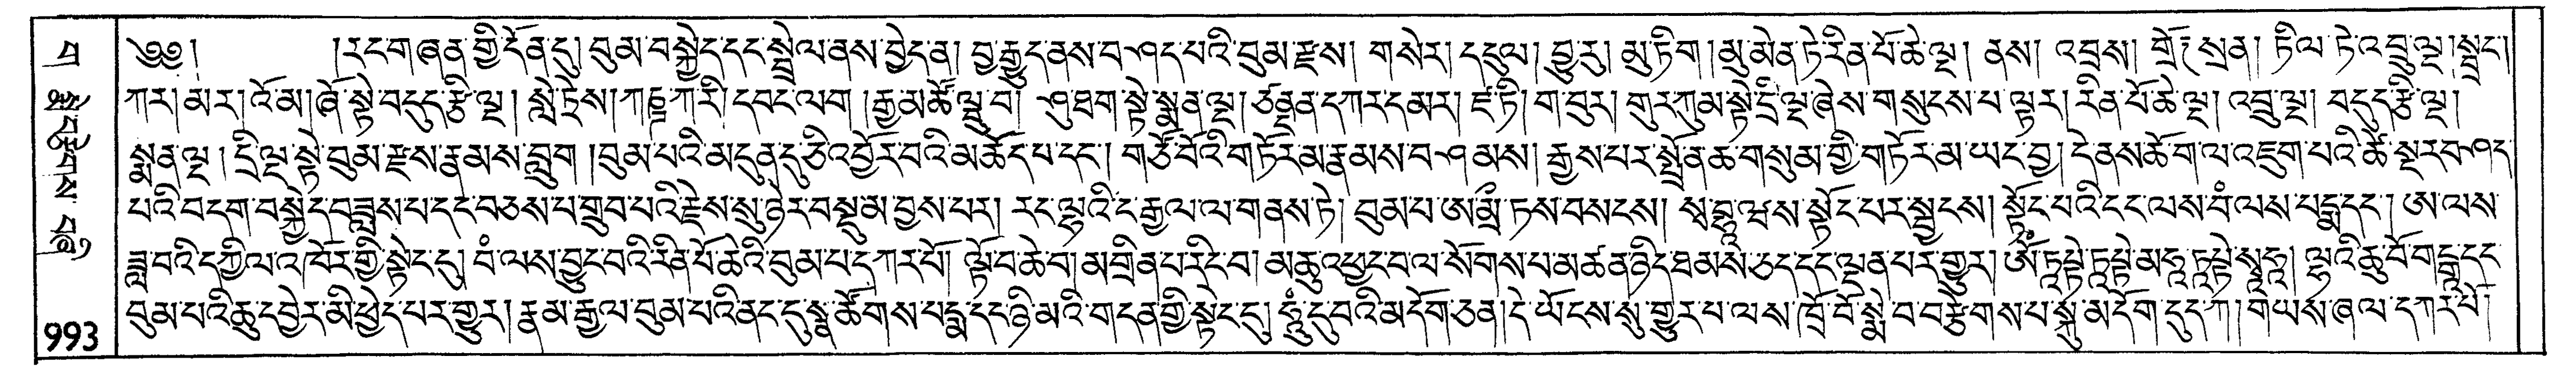༄༅། །རང་གཞན་གྱི་དོན་དུ། བུམ་བསྐྱེད་དང་སྦྲེལ་ནས་བྱེད་ན། བྱ་རྒྱུད་ནས་བཤད་པའི་བུམ་རྫས། གསེར། དངུལ། བྱུ་རུ། མུ་ཏིག །མུ་མེན་ཏེ་རིན་པོ་ཆེ་ལྔ། ནས། འབྲས། གྲོ༑ སྲན། ཏིལ་ཏེ་འབྲུ་ལྔ། སྦྲང་།
ཀར། མར། འོ་མ། ཞོ་སྟེ་བདུད་རྩི་ལྔ། སླེ་ཏྲེས། ཀཎྜ་ཀ་རི། དབང་ལག །རྒྱ་མཚོ་ལྦུ་བ། ཤུ་ཐག་སྟེ་སྨན་ལྔ། ཙནྡན་དཀར་དམར། ཛ་ཏི། ག་བུར། གུར་ཀུམ་སྟེ་དྲི་ལྔ་ཞེས་གསུངས་པ་ལྟར། རིན་པོ་ཆེ་ལྔ། འབྲུ་ལྔ། བདུད་རྩི་ལྔ།
སྨན་ལྔ། དྲི་ལྔ་སྟེ་བུམ་རྫས་རྣམས་བླུག །བུམ་པའི་མདུན་དུ་ཅི་འབྱོར་བའི་མཆོད་པ་དང་། གཙོ་བོའི་གཏོར་མ་རྣམས་བཤམས། རྒྱས་པར་སྤྲོ་ན་ཆ་གསུམ་གྱི་གཏོར་མ་ཡང་བྱ། དེ་ནས་ཆོ་ག་ལ་འཇུག་པའི་ཚེ་སྔར་བཤད་
པའི་བདག་བསྐྱེད་བཟླས་པ་དང་བཅས་པ་གྲུབ་པའི་རྗེས་སུ་ཉེར་བསྡུ་མ་བྱས་པར། རང་ལྷའི་ང་རྒྱལ་ལ་གནས་ཏེ། བུམ་པ་ཨ་མྲྀ་ཏས་བསངས། སྭ་བྷཱ་ཝ་ས་སྟོང་པར་སྦྱངས། སྟོང་པའི་ངང་ལས་བཾ་ལས་པདམ་དང་། ཨ་ལས་
ཟླ་བའི་དཀྱིལ་འཁོར་གྱི་སྟེང་དུ། བཾ་ལས་བྱུང་བའི་རིན་པོ་ཆེའི་བུམ་པ་དཀར་པོ། ལྟོ་བ་ཆེ་བ། མགྲིན་པ་རིང་བ། མཆུ་འཕྱང་བ་ལ་སོགས་པ་མཚན་ཉིད་ཐམས་ཅད་དང་ལྡན་པར་གྱུར། ཨོཾ་ཏཱ་པྟེ་ཏཱ་པྟེ་མཧཱ་ཏཱ་པྟེ་སྭཱཧཱ། ལྷའི་ཆུ་བོ་གངྒཱ་དང་
བུམ་པའི་ཆུ་དབྱེར་མི་ཕྱེད་པར་གྱུར། རྣམ་རྒྱལ་བུམ་པའི་ནང་དུ་སྣ་ཚོགས་པདམ་དང་ཉི་མའི་གདན་གྱི་སྟེང་དུ། ཧཱུཾ་དུ་བའི་མདོག་ཅན། དེ་ཡོངས་སུ་གྱུར་པ་ལས་ཁྲོ་བོ་སྨེ་བ་བརྩེགས་པ་སྐུ་མདོག་དུད་ཀ། གཡས་ཞལ་དཀར་པོ།